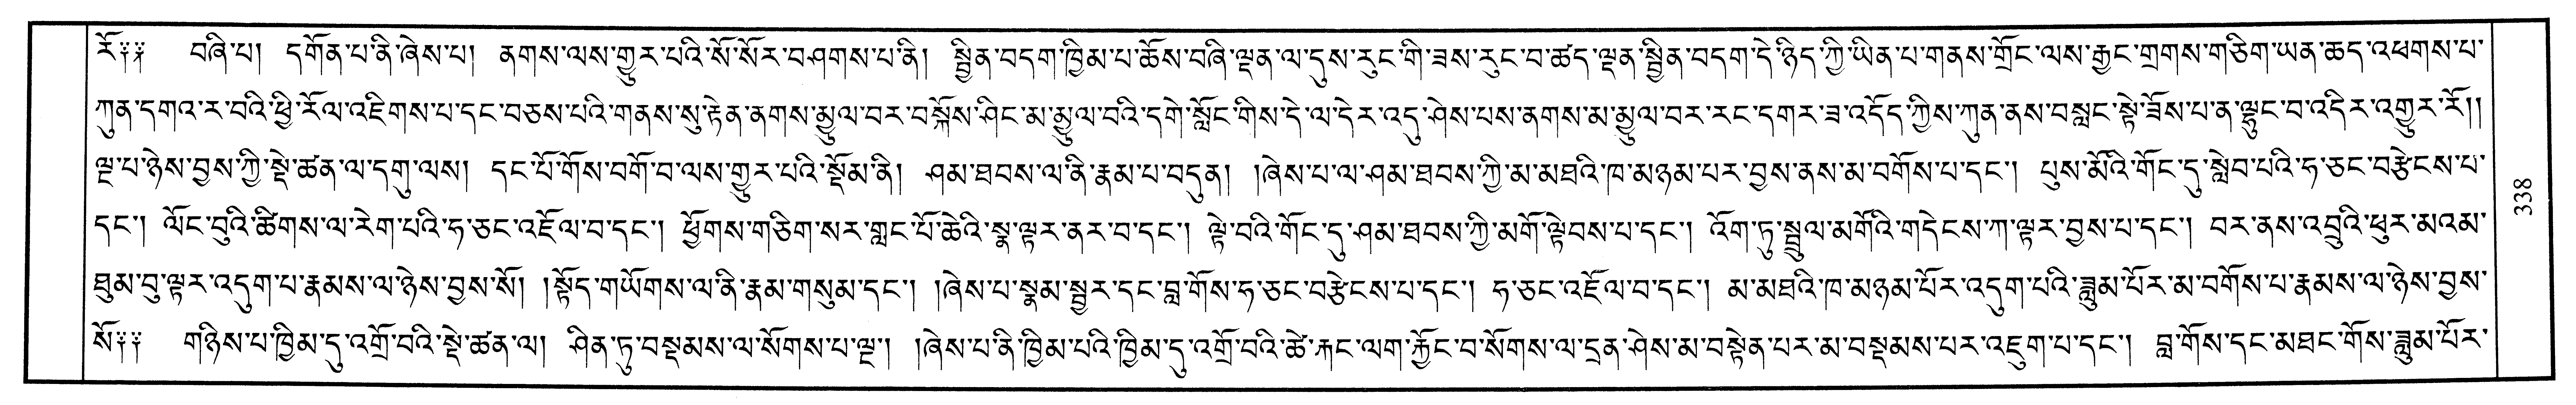རོ༑༑ བཞི་པ། དགོན་པ་ནི་ཞེས་པ། ནགས་ལས་གྱུར་པའི་སོ་སོར་བཤགས་པ་ནི། སྦྱིན་བདག་ཁྱིམ་པ་ཆོས་བཞི་ལྡན་ལ་དུས་རུང་གི་ཟས་རུང་བ་ཚད་ལྡན་སྦྱིན་བདག་དེ་ཉིད་ཀྱི་ཡིན་པ་གནས་གྲོང་ལས་རྒྱང་གྲགས་གཅིག་ཡན་ཆད་འཕགས་པ་
ཀུན་དགའ་ར་བའི་ཕྱི་རོལ་འཇིགས་པ་དང་བཅས་པའི་གནས་སུ་རྟེན་ནགས་མྱུལ་བར་བསྐོས་ཤིང་མ་མྱུལ་བའི་དགེ་སློང་གིས་དེ་ལ་དེར་འདུ་ཤེས་པས་ནགས་མ་མྱུལ་བར་རང་དགར་ཟ་འདོད་ཀྱིས་ཀུན་ནས་བསླང་སྟེ་ཟོས་པ་ན་ལྷུང་བ་འདིར་འགྱུར་རོ།།
ལྔ་པ་ཉེས་བྱས་ཀྱི་སྡེ་ཚན་ལ་དགུ་ལས། དང་པོ་གོས་བགོ་བ་ལས་གྱུར་པའི་སྡོམ་ནི། ཤམ་ཐབས་ལ་ནི་རྣམ་པ་བདུན། །ཞེས་པ་ལ་ཤམ་ཐབས་ཀྱི་མ་མཐའི་ཁ་མཉམ་པར་བྱས་ནས་མ་བགོས་པ་དང་། པུས་མོའི་གོང་དུ་སླེབ་པའི་ཧ་ཅང་བརྩེངས་པ་
དང་། ལོང་བུའི་ཚིགས་ལ་རེག་པའི་ཧ་ཅང་འཇོལ་བ་དང་། ཕྱོགས་གཅིག་སར་གླང་པོ་ཆེའི་སྣ་ལྟར་ནར་བ་དང་། ལྟེ་བའི་གོང་དུ་ཤམ་ཐབས་ཀྱི་མགོ་ལྟེབས་པ་དང་། འོག་ཏུ་སྦྲུལ་མགོའི་གདེངས་ཀ་ལྟར་བྱས་པ་དང་། བར་ནས་འབྲུའི་ཕུར་མའམ་
ཐུམ་བུ་ལྟར་འདུག་པ་རྣམས་ལ་ཉེས་བྱས་སོ། །སྟོད་གཡོགས་ལ་ནི་རྣམ་གསུམ་དང་། །ཞེས་པ་སྣམ་སྦྱར་དང་བླ་གོས་ཧ་ཅང་བརྩེངས་པ་དང་། ཧ་ཅང་འཇོལ་བ་དང་། མ་མཐའི་ཁ་མཉམ་པོར་འདུག་པའི་ཟླུམ་པོར་མ་བགོས་པ་རྣམས་ལ་ཉེས་བྱས་
སོ༑༑ གཉིས་པ་ཁྱིམ་དུ་འགྲོ་བའི་སྡེ་ཚན་ལ། ཤིན་ཏུ་བསྡམས་ལ་སོགས་པ་ལྔ། །ཞེས་པ་ནི་ཁྱིམ་པའི་ཁྱིམ་དུ་འགྲོ་བའི་ཚེ་རྐང་ལག་རྐྱོང་བ་སོགས་ལ་དྲན་ཤེས་མ་བསྟེན་པར་མ་བསྡམས་པར་འཇུག་པ་དང་། བླ་གོས་དང་མཐང་གོས་ཟླུམ་པོར་